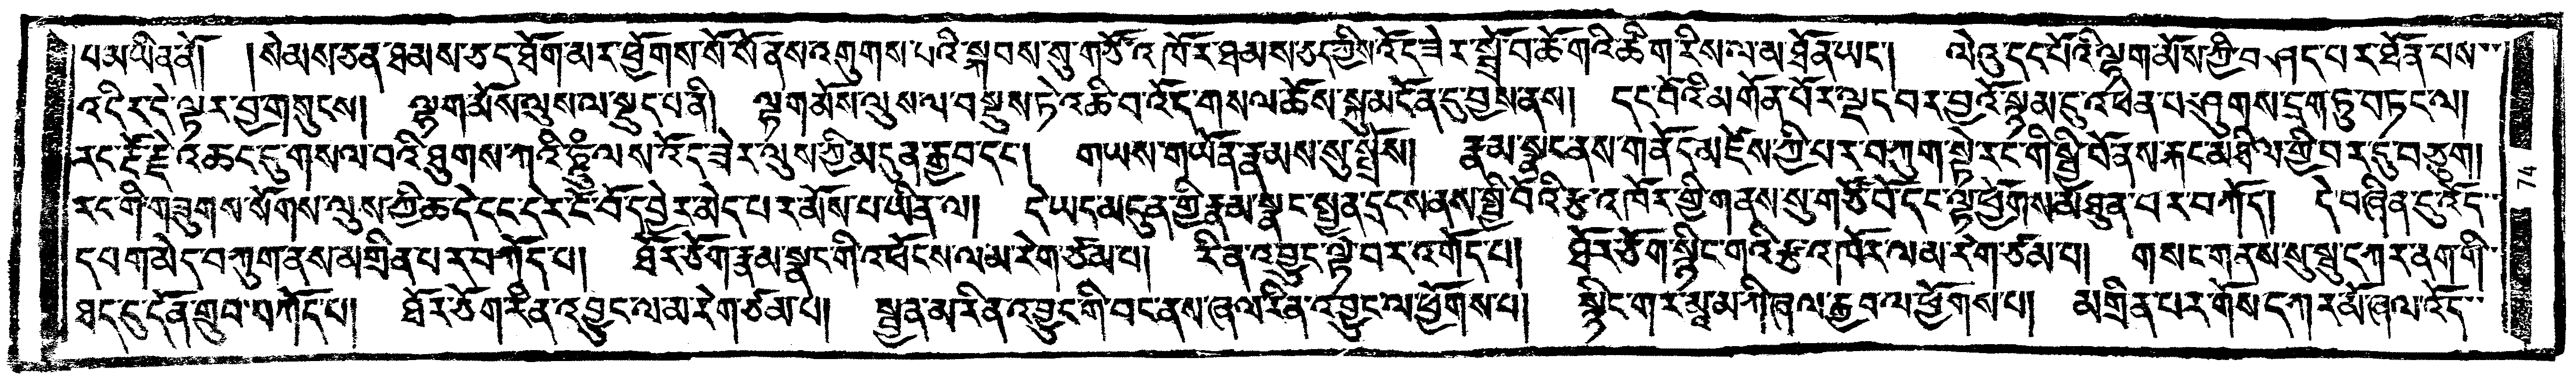པ་མ་ཡིན་ནོ། །སེམས་ཅན་ཐམས་ཅད་ཐོག་མར་ཕྱོགས་སོ་སོ་ནས་འགུགས་པའི་སྐབས་སུ་གཙོ་འཁོར་ཐམས་ཅད་ཀྱིས་འོད་ཟེར་སྤྲོ་བ་ཆོ་གའི་ཚིག་རིས་ལ་མཐོན་ཡང་། ལེའུ་དང་པོའི་ལྷག་མོས་ཀྱི་བཤད་པར་ཐོན་པས་
འདིར་དེ་ལྟར་བྱ་གསུངས། ལྷག་མོས་ལུས་ལ་སྡུད་པ་ནི། ལྷག་མོས་ལུས་ལ་བསྡུས་ཏེ་འཆི་བ་འོད་གསལ་ཆོས་སྐུ་མངོན་དུ་བྱས་ནས། དང་པོའི་མགོན་པོར་ལྡང་བར་བྱའོ་སྙམ་དུ་འཕེན་པ་ཤུགས་དྲག་ཏུ་བཏང་ལ།
རང་རྡོ་རྗེ་འཆང་དུ་གསལ་བའི་ཐུགས་ཀའི་ཧཱུཾ་ལས་འོད་ཟེར་ལུས་ཀྱི་མདུན་རྒྱབ་དང་། གཡས་གཡོན་རྣམས་སུ་སྤྲོས། རྣམ་སྣང་ནས་གནོད་མཛེས་ཀྱི་བར་བཀུག་སྟེ་རང་གི་སྤྱི་བོ་ནས་རྐང་མཐིལ་གྱི་བར་དུ་བཅུག།
རང་གི་གཟུགས་སོགས་ལུས་ཀྱི་ཆ་དེ་དང་དེར་ངོ་བོ་དབྱེར་མེད་པར་མོས་པ་ཡིན་ལ། དེ་ཡང་མདུན་གྱི་རྣམ་སྣང་སྤྱན་དྲངས་ནས་སྤྱི་བོའི་རྩ་འཁོར་གྱི་གནས་སུ་གཙོ་བོ་དང་ལྟ་ཕྱོགས་མཐུན་པར་བཀོད། དེ་བཞིན་དུ་འོད་
དཔག་མེད་བཀུག་ནས་མགྲིན་པར་བཀོད་པ། ཐོར་ཅོག་རྣམ་སྣང་གི་འཕོངས་ལ་མ་རེག་ཙམ་པ། རིན་འབྱུང་ལྟེ་བར་འགོད་པ། ཐོར་ཅོག་སྙིང་གའི་རྩ་འཁོར་ལམ་རེག་ཙམ་པ། གསང་གནས་སུ་སྤུ་དཀར་ནག་གི་
ཐད་དུ་དོན་གྲུབ་བཀོད་པ། ཐོར་ཅོག་རིན་འབྱུང་ལ་མ་རེག་ཙམ་པ། སྤྱན་མ་རིན་འབྱུང་གི་བང་ནས་ཞལ་རིན་འབྱུང་ལ་ཕྱོགས་པ། སྙིང་གར་མཱ་མ་ཀི་ཞལ་རྒྱབ་ལ་ཕྱོགས་པ། མགྲིན་པར་གོས་དཀར་མོ་ཞལ་འོད་